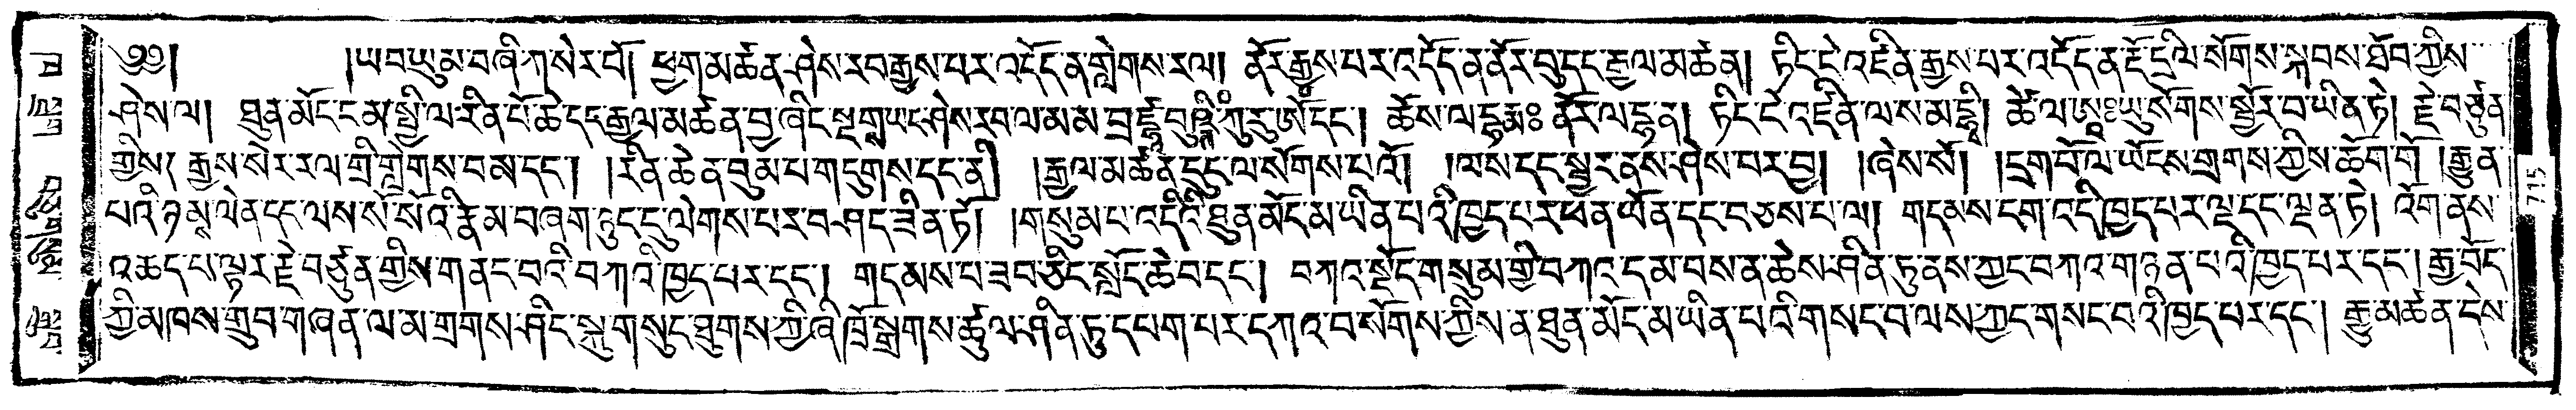༄༅། །ཡབ་ཡུམ་བཞི་ཀ་སེར་པོ། ཕྱག་མཚན་ཤེས་རབ་རྒྱས་པར་འདོད་ན་གླེགས་རལ། ནོར་རྒྱས་པར་འདོད་ན་ནོར་བུ་དང་རྒྱལ་མཚན། ཏིང་ངེ་འཛིན་རྒྱས་པར་འདོད་ན་རྡོ་དྲིལ་སོགས་སྐབས་ཐོབ་ཀྱིས་
ཤེས་ལ། ཐུན་མོང་ངམ་སྤྱི་ལ་རིན་པོ་ཆེ་དང་རྒྱལ་མཚན་བྱ་ཞིང་སྔགས་ཡང་ཤེས་རབ་ལམ་མ་པྲཛྙཱ་པུཥྚིཾ་ཀུ་རུ་ཨོཾ་དང་། ཆོས་ལ་དྷརྨཿནོར་ལ་དྷ་ན། ཏིང་ངེ་འཛིན་ལས་མ་དྷཱི། ཚེ་ལ་ཨཱཿཡུ་སོགས་སྦྱོར་བ་ཡིན་ཏེ། རྗེ་བཙུན་
གྱིས༑ རྒྱས་སེར་རལ་གྲི་གླེགས་བམ་དང་། །རིན་ཆེན་བུམ་པ་གདུགས་དང་ནི། །རྒྱལ་མཚན་དུང་ལ་སོགས་པའོ། །ལས་དང་སྦྱར་ནས་ཤེས་པར་བྱ། །ཞེས་སོ། །དྲག་པོ་ལ་ཡོངས་གྲགས་ཀྱིས་ཆོག་གོ །རྒྱུན་
པའི་ཉམས་ལེན་དང་ལས་སོ་སོའི་རྣམ་བཞག་ཉུང་དུ་ལེགས་པར་བཤད་ཟིན་ཏོ། །གསུམ་པ་འདིའི་ཐུན་མོང་མ་ཡིན་པའི་ཁྱད་པར་ཕན་ཡོན་དང་བཅས་པ་ལ། གདམས་ངག་འདི་ཁྱད་པར་ལྔ་དང་ལྡན་ཏེ། འོག་ནས་
འཆད་པ་ལྟར་རྗེ་བཙུན་གྱིས་གནང་བའི་བཀའི་ཁྱད་པར་དང་། གདམས་པ་ཟབ་ཅིང་སློང་ཆེ་བ་དང་། བཀའ་སྡོད་གསུམ་གྱི་བཀའ་དམ་པས་ན་ཆེས་ཤིན་ཏུ་ནས་ཀྱང་བཀའ་གཉན་པའི་ཁྱད་པར་དང་། རྒྱ་བོད་
ཀྱི་མཁས་གྲུབ་གཞན་ལ་མ་གྲགས་ཤིང་སྐུ་གསུང་ཐུགས་ཀྱི་ཞི་ཁྲོ་སྒྲགས་ཚུལ་ཤིན་ཏུ་དཔག་པར་དཀའ་བ་སོགས་ཀྱིས་ན་ཐུན་མོང་མ་ཡིན་པའི་གསང་བ་ལས་ཀྱང་གསང་བའི་ཁྱད་པར་དང་། རྒྱུ་མཚན་དེས་